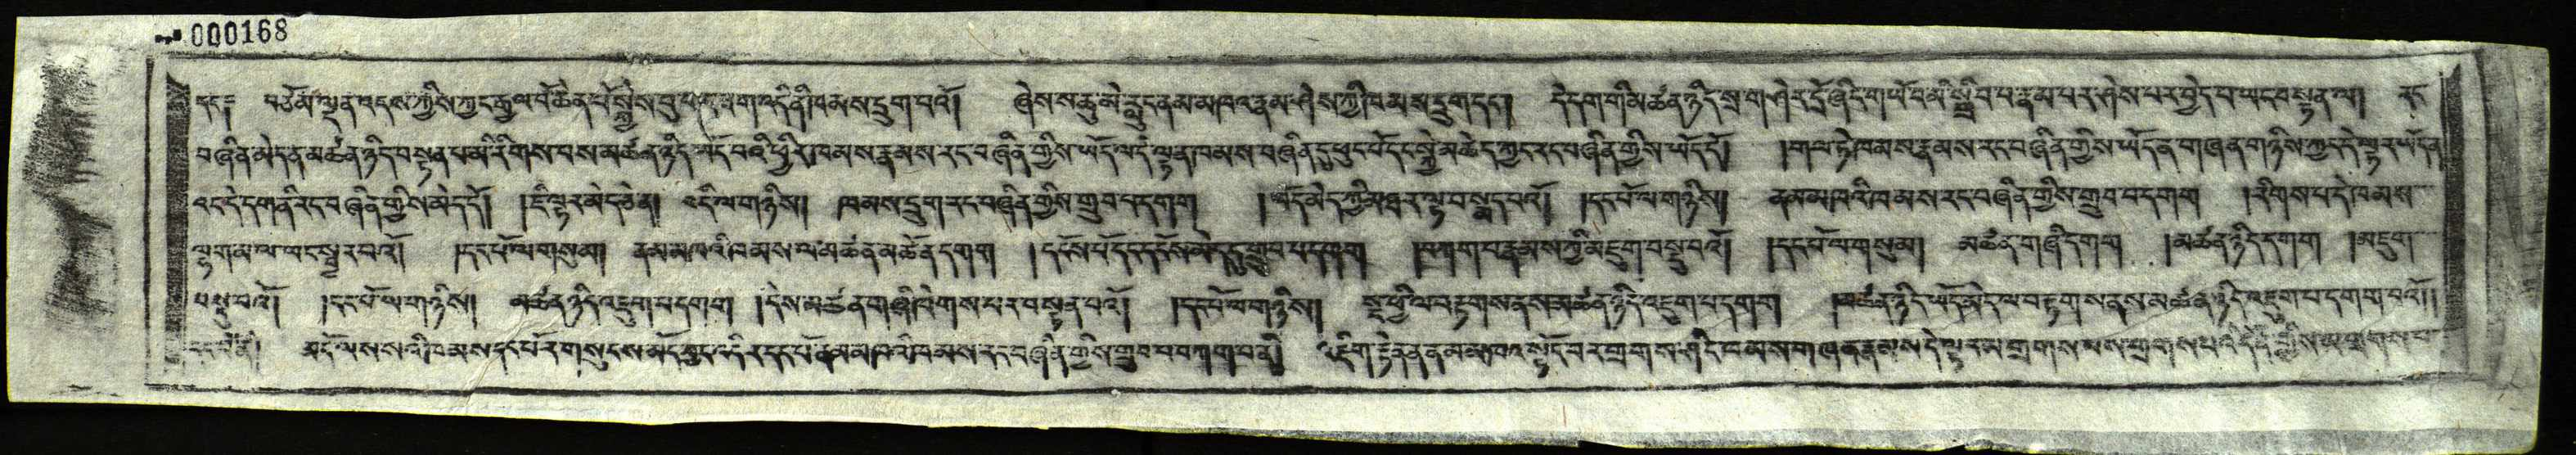དང༑ བཅོམ་ལྡན་འདས་ཀྱིས་ཀྱང་རྒྱལ་པོ་ཆེན་པོ་སྐྱེས་བུ་གང་ཟག་འདི་ནི་ཁམས་དྲུག་པའོ། ཞེས་ས་ཆུ་མེ་རླུང་ནམ་མཁའ་རྣམ་ཤེས་ཀྱི་ཁམས་དྲུག་དང་། དེ་དག་གི་མཚན་ཉིད་སྲ་གཤེར་དྲོ་ཞིང་གཡོ་བ་མི་སྒྲིབ་པ་རྣམ་པར་ཤེས་པར་བྱེད་པ་ཡང་བསྟན་ལ། རང་
བཞིན་མེད་ན་མཚན་ཉིད་བསྟན་པ་མི་རིགས་པས་མཚན་ཉིད་ཡོད་པའི་ཕྱིར་ཁམས་རྣམས་རང་བཞིན་གྱིས་ཡོད་ལ་དེ་ལྟ་ན་ཁམས་བཞིན་དུ་ཕུང་པོ་དང་སྐྱེ་མཆེད་ཀྱང་རང་བཞིན་གྱིས་ཡོད་དོ། །གལ་ཏེ་ཁམས་རྣམས་རང་བཞིན་གྱིས་ཡོད་ན་གཞན་གཉིས་ཀྱང་དེ་ལྟར་ཡོད་ན་
འང་དེ་དག་ནི་རང་བཞིན་གྱིས་མེད་དོ། །ཇི་ལྟར་མེད་ཅེ་ན། འདི་ལ་གཉིས། ཁམས་དྲུག་རང་བཞིན་གྱིས་གྲུབ་པ་དགག །ཡོད་མེད་ཀྱི་མཐར་ལྟ་བ་སྨད་པའོ། །དང་པོ་ལ་གཉིས། ནམ་མཁའི་ཁམས་རང་བཞིན་གྱིས་གྲུབ་བ་དགག །རིགས་པ་དེ་ཁམས་
ལྷག་མ་ལ་ཡང་སྦྱར་བའོ། །དང་པོ་ལ་གསུམ། ནམ་མཁའི་ཁམས་ལ་མཚན་མཚོན་དགག །དངོས་པོ་དང་དངོས་མེད་དུ་གྲུབ་པ་དགག །བཀག་པ་རྣམས་ཀྱི་མཇུག་བསྡུ་བའོ། །དང་པོ་ལ་གསུམ། མཚན་གཞི་དགག །མཚན་ཉིད་དགག །མཇུག་
བསྡུ་བའོ། །དང་པོ་ལ་གཉིས། མཚན་ཉིད་འཇུག་པ་དགག །དེས་མཚན་གཞི་ཁེགས་པར་བསྟན་པའོ། །དང་པོ་ལ་གཉིས། སྔ་ཕྱི་ལ་བརྟགས་ནས་མཚན་ཉིད་འཇུག་པ་དགག །མཚན་ཉིད་ཡོད་མེད་ལ་བརྟགས་ནས་མཚན་ཉིད་འཇུག་པ་དགག་པའོ།།
དང་པོ་ནི། མདོ་ལས་སའི་ཁམས་དང་པོར་གསུངས་མོད་ཀྱང་འདིར་དང་པོ་ནམ་མཁའི་ཁམས་རང་བཞིན་གྱིས་གྲུབ་པ་བཀག་པ་ནི། འཇིག་རྟེན་ན་ནམ་མཁའ་སྟོང་པར་གྲགས་ཤིང་ཁམས་གཞན་རྣམས་དེ་ལྟར་མ་གྲགས་པས་གྲགས་པའི་དོན་གྱིས་མ་གྲགས་པ་